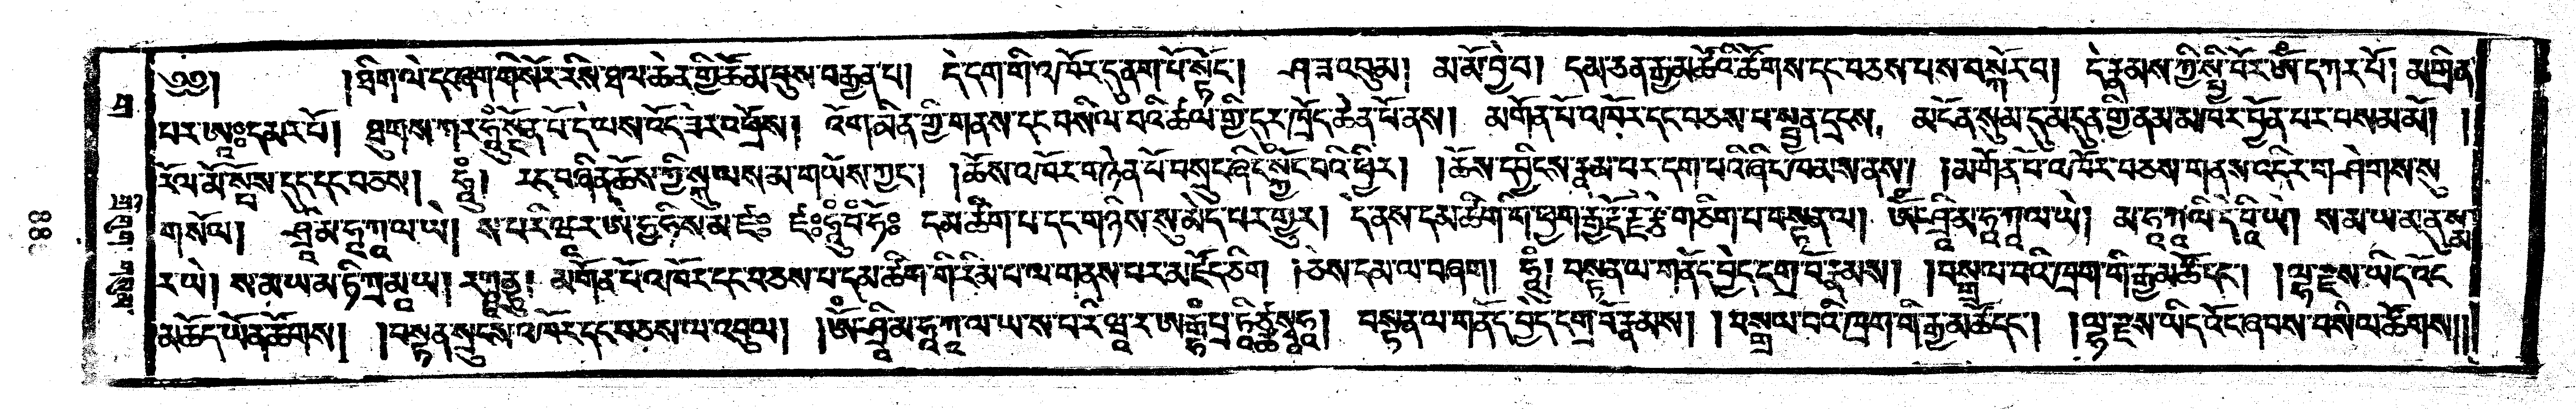༄༅། །ཐིག་ལེ་དང་ཞག་གི་སོར་རིས་ཐལ་ཆེན་གྱི་ཚོམ་བུས་བརྒྱན་པ། དེ་དག་གི་འཁོར་དུ་ནག་པོ་སྟོང་། ཤ་ཟ་འབུམ། མ་མོ་བྱེ་བ། དམ་ཅན་རྒྱ་མཚོའི་ཚོགས་དང་བཅས་པས་བསྐོར་བ། དེ་རྣམས་ཀྱི་སྤྱི་བོར་ཨོཾ་དཀར་པོ། མགྲིན་
པར་ཨཱཿ དམར་པོ། ཐུགས་ཀར་ཧཱུཾ་སྔོན་པོ་དེ་ལས་འོད་ཟེར་འཕྲོས། འོག་མིན་གྱི་གནས་དང་བསིལ་བའི་ཚལ་གྱི་དུར་ཁྲོད་ཆེན་པོ་ནས། མགོན་པོ་འཁོར་དང་བཅས་པ་སྤྱན་དྲངས། མངོན་སུམ་དུ་མདུན་གྱི་ནམ་མཁར་བྱོན་པར་བསམ་མོ། །
རོལ་མོ་སྤོས་དུད་དང་བཅས། ཧཱུཾ། རང་བཞིན་ཆོས་ཀྱི་སྐུ་ལས་མ་གཡོས་ཀྱང་། །ཆོས་འཁོར་གཉེན་པོ་བསྲུང་ཞིང་སྐྱོང་བའི་ཕྱིར། །ཆོས་དབྱིངས་རྣམས་པར་དག་པའི་ཞིང་ཁམས་ནས། །མགོན་པོ་འཁོར་བཅས་གནས་འདིར་གཤེགས་སུ་
གསོལ། ཤྲཱི་མ་ཧཱ་ཀཱ་ལ་ཡེ། ས་པ་རི་ཝཱ་ར་ཨ་ཧྱ་ཧི་ས་མ་ཛཿ ཛཿ ཧཱུཾ་བཾ་ཧོཿ དམ་ཚིག་པ་དང་གཉིས་སུ་མེད་པར་གྱུར། དེ་ནས་དམ་ཚིག་གི་ཕྱག་རྒྱ་རྡོ་རྗེ་རྩེ་གཅིག་པ་བསྟན་ལ། ཨོཾ་ཤྲཱི་མ་ཧཱ་ཀཱ་ལ་ཡེ། མ་ཧཱ་ཀཱ་ལི་དེ་བཱི་ཡེ། ས་མ་ཡ་མ་ནུ་སྨ་
ར་ཡེ། ས་མ་ཡ་མ་ཏི་ཀྲ་མཱ་ཡ། རཀྵཱ་ནྟུ། མགོན་པོ་འཁོར་དང་བཅས་པ་དམ་ཚིག་གི་རིམ་པ་ལ་གནས་པར་མཛོད་ཅིག །ཅེས་དམ་ལ་བཞག །ཧཱུཾ། བསྟན་ལ་གནོད་བྱེད་དགྲ་བོ་རྣམས། །བསྒྲལ་བའི་ཁྲག་གི་རྒྱ་མཚོ་དང་། །ལྷ་རྫས་ཡིད་འོང་
མཆོད་ཡོན་ཚོགས། །བསྟན་སྲུངས་འཁོར་དང་བཅས་ལ་འབུལ། །ཨོཾ་ཤྲཱི་མ་ཧཱ་ཀཱ་ལ་ཡ་ས་པ་རི་ཝཱ་ར་ཨརྒྷཾ་པྲ་ཏཱི་ཙྪ་སྭཱ་ཧཱ། བསྟན་ལ་གནོད་བྱེད་དགྲ་བོ་རྣམས། །བསྒྲལ་བའི་ཁྲག་གི་རྒྱ་མཚོ་དང་། །ལྷ་རྫས་ཡིད་འོང་ཞབས་བསིལ་ཚོགས།།